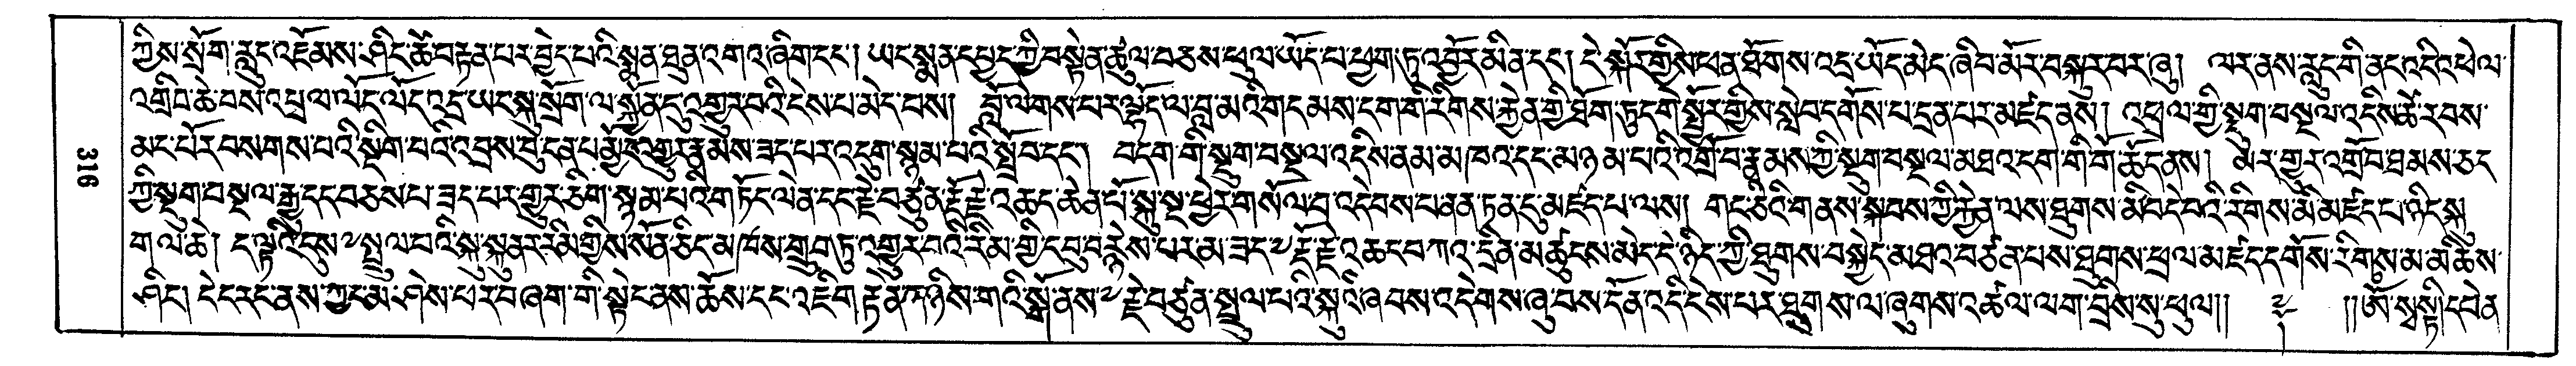ཀྱིས་སྲོག་རླུང་འཇོམས་ཤིང་ཚེ་བརྟན་པར་བྱེད་པའི་སྨན་ཐུན་འགའ་ཞིག་དང་། ཡང་སྨན་དཔྱད་ཀྱི་བསྟེན་ཚུལ་བཅས་ཕུལ་ཡོད་པ་ཕྱག་ཏུ་འབྱོར་མིན་དང་། དེ་སྐོར་གྱིས་ཕན་ཐོགས་འདྲ་ཡོད་མེད་ཞིབ་མོར་བསྐུར་བར་ཞུ། ལར་ནས་རླུང་གི་ནད་འདི་འཕེལ་
འགྲིབ་ཆེ་བས་འཕྲལ་ལོད་ལོད་འདྲ་ཡང་སྐུ་སྲོག་ལ་སྐྱོན་དུ་འགྱུར་བའི་ངེས་པ་མེད་པས། བློ་ལེགས་པར་ལྷོད་ལ་བླ་མའི་གདམས་ངག་གི་རིགས་རྐྱེན་གྱི་ཐོག་ཏུ་དགེ་སྦྱོར་གྱིས་སླེབ་དགོས་པ་དྲན་པར་མཛད་ནས། འཕྲལ་གྱི་སྡུག་བསྔལ་འདིས་ཚེ་རབས་
མང་པོར་བསགས་པའི་སྡིག་པའི་འབྲས་བུ་ངན་པ་མྱོང་འགྱུར་རྣམས་ཟད་པར་འདུག་སྙམ་པའི་སྤྲོ་བ་དང་། བདག་གི་སྡུག་བསྔལ་འདིས་ནམ་མཁའ་དང་མཉམ་པའི་འགྲོ་བ་རྣམས་ཀྱི་སྡུག་བསྔལ་མཐའ་དག་གི་གོ་ཆོད་ནས། མར་གྱུར་འགྲོ་བ་ཐམས་ཅད་
ཀྱི་སྡུག་བསྔལ་རྒྱུ་དང་བཅས་པ་ཟད་པར་གྱུར་ཅིག་སྙམ་པའི་གཏོང་ལེན་དང་རྗེ་བཙུན་རྡོ་རྗེ་འཆང་ཆེན་པོ་སྐུ་སྔ་ཕྱིར་གསོལ་བ་འདེབས་པ་ནན་ཏན་དུ་མཛད་པ་ལས། གང་ཅིའི་གནས་སྐབས་ཀྱི་རྐྱེན་ལས་ཐུགས་མི་བདེ་བའི་རིགས་མི་མཛད་པ་ཉིད་སྐུ་
གལ་ཆེ། ད་ལྟའི་དུས་སྤྲུལ་པའི་སྐུ་སྐུ་ནར་རིམ་གྱིས་སོན་ཅིང་མཁས་གྲུབ་ཏུ་འགྱུར་བའི་རིམ་གྱི་དབུ་བརྙེས་པར་མ་ཟད་རྡོ་རྗེ་འཆང་བཀའ་དྲིན་མཚུངས་མེད་དེ་ཉིད་ཀྱི་ཐུགས་བསྐྱེད་མཐའ་བཙན་པས་ཐུགས་ཕྲལ་མཛད་དགོས་རིགས་མ་མཆིས་
ཤིང༑ དེང་རང་ནས་ཀྱང་མ་ཤེས་ཕར་བཞག་གི་སྟེང་ནས་ཆོས་དང་འཇིག་རྟེན་གཉིས་གའི་སྒོ་ནས ༧རྗེ་བཙུན་སྤྲུལ་པའི་སྐུའི་ཞབས་འདེགས་ཞུ་བས་དོན་འདི་ངེས་བར་ཐུགས་ལ་ཞུགས་འཚལ་ལག་བྲིས་སུ་ཕུལ།། ༈ །།ཨོཾ་སྭསྟི། དབེན་